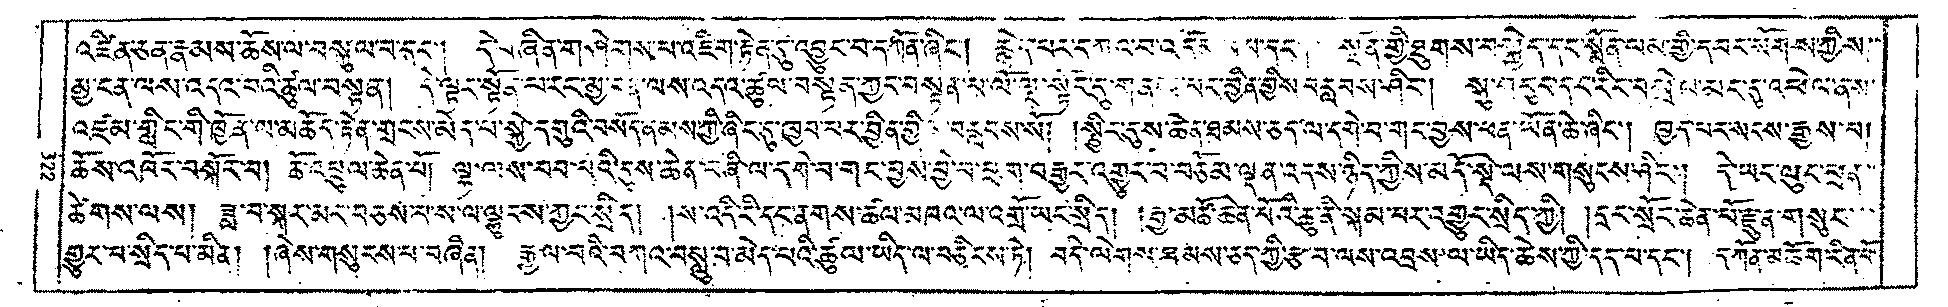འཛིན་ཅན་རྣམས་ཆོས་ལ་བསྐུལ་བ་དང་། དེ་བཞིན་གཤེགས་པ་འཇིག་རྟེན་དུ་འབྱུང་བ་དཀོན་ཞིང་། རྙེད་པར་དཀའ་བ་འདོམས་པ་དང་། སྔོན་གྱི་ཐུགས་བསྐྱེད་དང་སྨོན་ལམ་གྱི་དབང་སོགས་ཀྱིས་
མྱ་ངན་ལས་འདའ་བའི་ཚུལ་བསྟན། དེ་ལྟར་སྟོན་པ་རང་མྱ་ངན་ལས་འདའ་ཚུལ་བསྟན་ཀྱང་བསྟན་པ་ལོ་ལྔ་སྟོང་དུ་གནས་པར་བྱིན་གྱིས་བརླབས་ཤིང་། སྐུ་གདུང་དང་རིང་བསྲེལ་མང་དུ་འཕེལ་ནས་
འཛམ་གླིང་གི་ཁྱོན་ལ་མཆོད་རྟེན་གྲངས་མེད་པ་སྐྱེ་དགུའི་བསོད་ནམས་ཀྱི་ཞིང་དུ་ཁྱབ་པར་བྱིན་གྱིས་བརླབས་སོ། །སྤྱིར་དུས་ཆེན་ཐམས་ཅད་ལ་དགེ་བ་གང་བྱས་ཕན་ཡོན་ཆེ་ཞིང་། ཁྱད་པར་སངས་རྒྱས་པ།
ཆོས་འཁོར་བསྐོར་བ། ཆོ་འཕྲུལ་ཆེན་པོ། ལྷ་ལས་བབ་པའི་དུས་ཆེན་བཞི་ལ་དགེ་བ་གང་བྱས་བྱེ་བ་ཕྲག་བརྒྱར་འགྱུར་པ་བཅོམ་ལྡན་འདས་ཉིད་ཀྱིས་མདོ་སྡེ་ལས་གསུངས་ཤིང་། དེ་ཡང་ལུང་ཕྲན་
ཚེགས་ལས། ཟླ་བ་སྐར་མར་བཅས་པ་ས་ལ་ལྷུངས་ཀྱང་སྲིད། །ས་འདི་རི་དང་ནགས་ཚལ་མཁའ་ལ་འགྲོ་ཡང་སྲིད། །རྒྱ་མཚོ་ཆེན་པོའི་ཆུ་ནི་སྐམ་པར་འགྱུར་སྲིད་ཀྱི། །དྲང་སྲོང་ཆེན་པོ་རྫུན་གསུང་
གྱུར་པ་སྲིད་པ་མིན། །ཞེས་གསུངས་པ་བཞིན། རྒྱལ་བའི་བཀའ་བསླུ་བ་མེད་པའི་ཚུལ་ཡིད་ལ་བཅིངས་ཏེ། བདེ་ལེགས་ཐམས་ཅད་ཀྱི་རྩ་བ་ལས་འབྲས་ལ་ཡིད་ཆེན་ཀྱི་དད་པ་དང་། དཀོན་མཆོག་རིན་པོ་